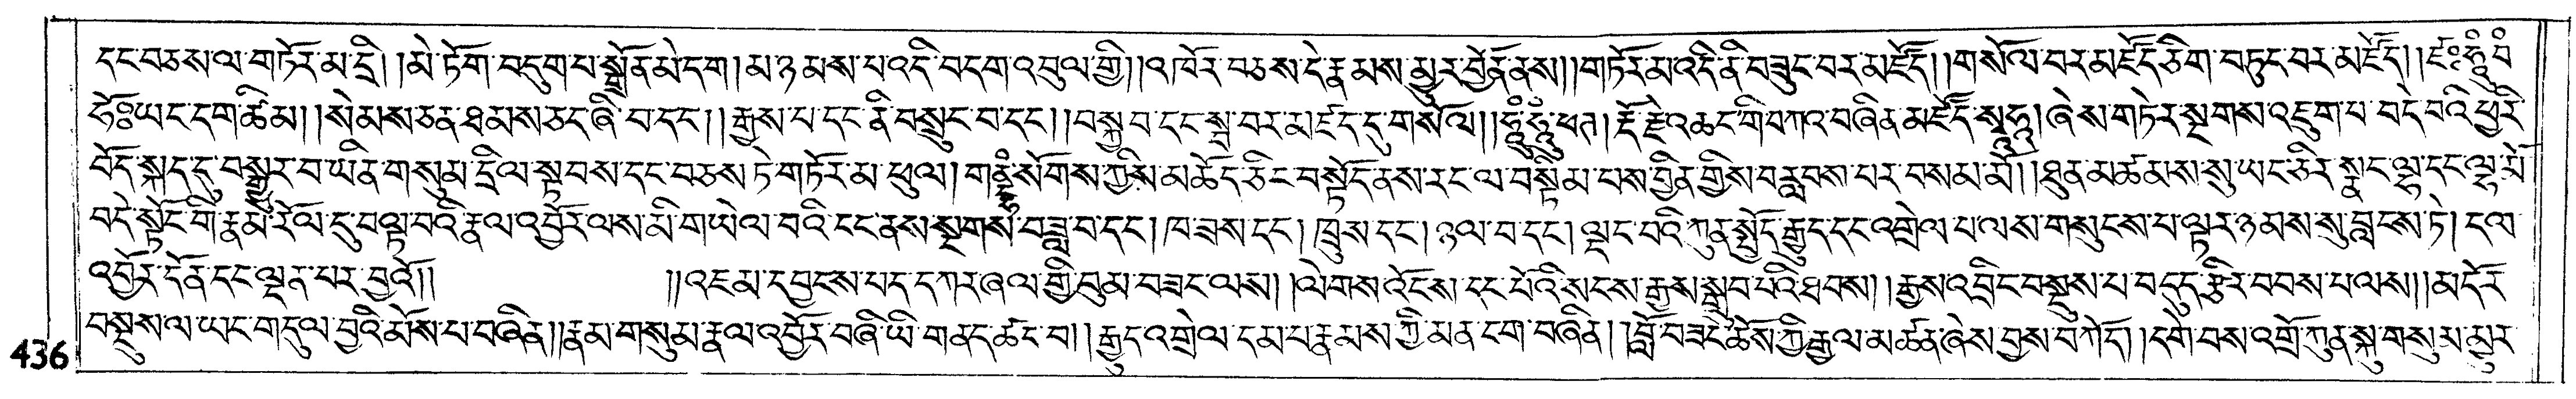དང་བཅས་ལ་གཏོར་མ་དྲི། །མེ་ཏོག་བདུག་པ་སྒྲོན་མེ་དག །མ་ཉམས་པ་འདི་བདག་འབུལ་གྱི། །འཁོར་བཅས་དེ་རྣམས་མྱུར་བྱོན་ནས། །གཏོར་མ་འདི་ནི་བཟུང་བར་མཛོད། །གསོལ་བར་མཛོད་ཅིག་བཏུང་བར་མཛོད། །ཛཿ ཧཱུཾ་བཾ་
ཧོཿ ཡང་དག་ཚིམ། །སེམས་ཅན་ཐམས་ཅད་ཞི་བ་དང་། །རྒྱས་པ་དང་ནི་བསྲུང་བ་དང་། །བསྐྱབ་དང་སྦ་བར་མཛད་དུ་གསོལ། །ཧཱུཾ་ཧཱུཾ་ཕཊ། རྡོ་རྗེ་འཆང་གི་བཀའ་བཞིན་མཛོད་སྭཱཧཱ། ཞེས་གཏེར་སྔགས་འཇུག་པ་བདེ་བའི་ཕྱིར་
བོད་སྐད་དུ་བསྒྱུར་བ་ཡིན་གསུམ་དྲིལ་སྟབས་དང་བཅས་ཏེ་གཏོར་མ་ཕུལ། གནྡྷཾ་སོགས་ཀྱིས་མཆོད་ཅིང་བསྟོད་ནས་རང་ལ་བསྟིམ་པས་བྱིན་གྱིས་བརླབས་པར་བསམ་མོ། །ཐུན་མཚམས་སུ་ཡང་ཅིར་སྣང་ལྷ་དང་ལྷ་མོ་
བདེ་སྟོང་གི་རྣམ་རོལ་དུ་བལྟ་བའི་རྣལ་འབྱོར་ལས་མི་གཡེལ་བའི་ངང་ནས་སྔགས་བཟླ་བ་དང་། ཁ་ཟས་དང་། ཁྲུས་དང་། ཉལ་བ་དང་། ལྡང་བའི་ཀུན་སྤྱོད་རྒྱུད་དང་འགྲེལ་པ་ལས་གསུངས་པ་ལྟར་ཉམས་སུ་བླངས་ཏེ། དལ་
འབྱོར་དོན་དང་ལྡན་པར་བྱའོ།། །།འཇམ་དབྱངས་པད་དཀར་ཞལ་གྱི་བུམ་བཟང་ལས། །ལེགས་འོངས་དང་པོའི་སངས་རྒྱས་སྒྲུབ་པའི་ཐབས། །རྒྱས་འབྲིང་བསྡུས་པ་བདུད་རྩིར་བབས་པ་ལས། །མདོར་
བསྡུས་ལ་ཡང་གདུལ་བྱའི་མོས་པ་བཞིན། །རྣམ་གསུམ་རྣལ་འབྱོར་བཞི་ཡི་གནད་ཚང་བ། །རྒྱུད་འགྲེལ་དམ་པ་རྣམས་ཀྱི་མན་ངག་བཞིན། །བློ་བཟང་ཆོས་ཀྱི་རྒྱལ་མཚན་ཞེས་བྱས་བཀོད། །དགེ་བས་འགྲོ་ཀུན་སྐུ་གསུམ་མྱུར་